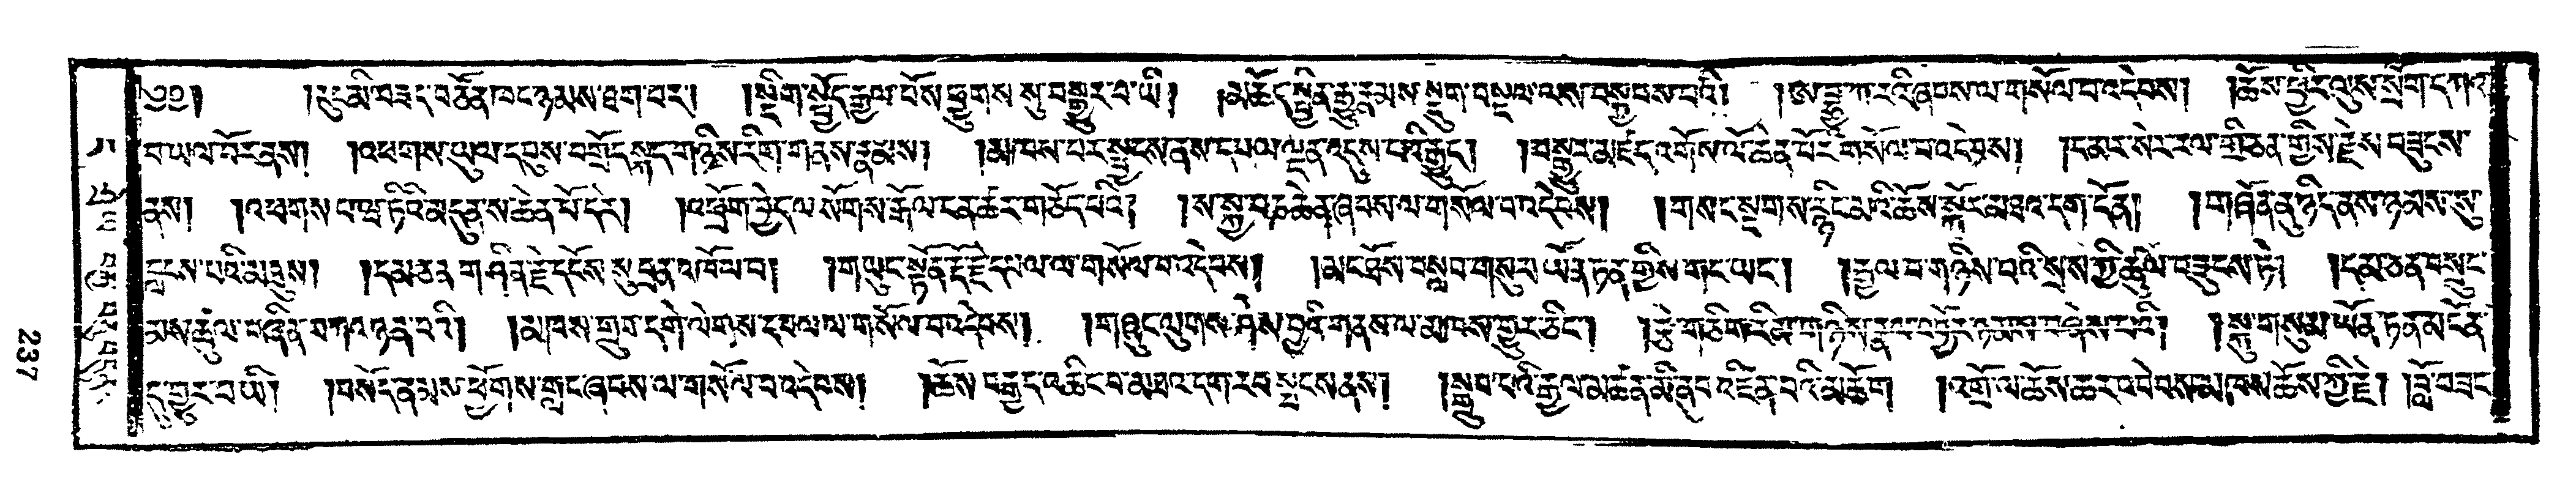༄༅། །རུང་མི་བཟད་བཙོན་ཁང་ཉམས་ཐག་བར། །སྡིག་སྤྱོད་རྒྱལ་བོས་ཕྱུགས་སུ་བསྒྱུར་བ་ཡི། །མཆོད་སྦྱིན་རྒྱུ་རྣམས་སྡུག་བསྔལ་ལས་བསྐྱབས་བའི། །ཨ་བྷྱ་ཀ་རའི་ཞབས་ལ་གསོལ་བ་འདེབས། །ཆོས་ཕྱིར་ལུས་སྲོག་དཀའ་
བ་ཡལ་བོར་ནས། །འཕགས་ཡུལ་དབུས་བགྲོད་སྐད་གཉིས་རིག་གནས་རྣམས། །མཁས་པར་སྦྱངས་ནས་དཔལ་ལྡན་འདུས་པའི་རྒྱུད། །བསྒྱུར་མཛད་འགོས་ལོ་ཆེན་པོར་གསོལ་བ་འདེབས། །དམར་སེར་རལ་གྲི་ཅན་གྱིས་རྗེས་བཟུངས་
ནས། །འཕགས་པ་ཝ་ཏིའི་མདུན་ས་ཆེན་པོ་དེར། །འཕྲོག་བྱེད་ལ་སོགས་རྒོལ་ངན་ཚར་གཅོད་པའི། །ས་སྐྱ་པཎ་ཆེན་ཞབས་ལ་གསོལ་བ་འདེབས། །གསང་སྔགས་རྙིང་མའི་ཆོས་སྐོར་མཐའ་དག་དོན། །གཞོན་ནུ་ཉིད་ནས་ཉམས་སུ་
བླངས་པའི་མཐུས། །དམ་ཅན་གཤིན་རྗེ་དངོས་སུ་བྲན་འཁོལ་བ། །གཡུང་སྟོན་རྡོ་རྗེ་དཔལ་ལ་གསོལ་བ་འདེབས། །མང་ཐོས་བསླབ་གསུམ་ཡོན་ཏན་གྱིས་གང་ཡང་། །རྒྱལ་བ་གཉིས་བའི་སྲས་ཀྱི་ཚུལ་བཟུངས་ཏེ། །དམ་ཅན་བསྲུང་
མས་ཚུལ་བཞིན་བཀའ་ཉན་བའི། །མཁས་གྲུབ་དགེ་ལེགས་དཔལ་ལ་གསོལ་བ་འདེབས། །གཞུང་ལུགས་ཤེས་བྱའི་གནས་ལ་མཁས་གྱུར་ཅིང་། །རྩེ་གཅིག་རིམ་གཉིས་རྣལ་འབྱོར་ཉམས་བཞེས་པའི། །སྐུ་གསུམ་ཡོན་ཏན་མངོན་
དུ་གྱུར་བ་ཡི། །བསོད་ནམས་ཕྱོགས་གླང་ཞབས་ལ་གསོལ་བ་འདེབས། །ཆོས་བརྒྱད་འཆིང་བ་མཐའ་དག་རབ་སྤངས་ནས། །སྒྲུབ་པའི་རྒྱལ་མཚན་མི་ནུབ་འཛིན་བའི་མཆོག །འགྲོ་ལ་ཆོས་ཆར་འབེབས་མཁས་ཆོས་ཀྱི་རྗེ། །བློ་བཟང་